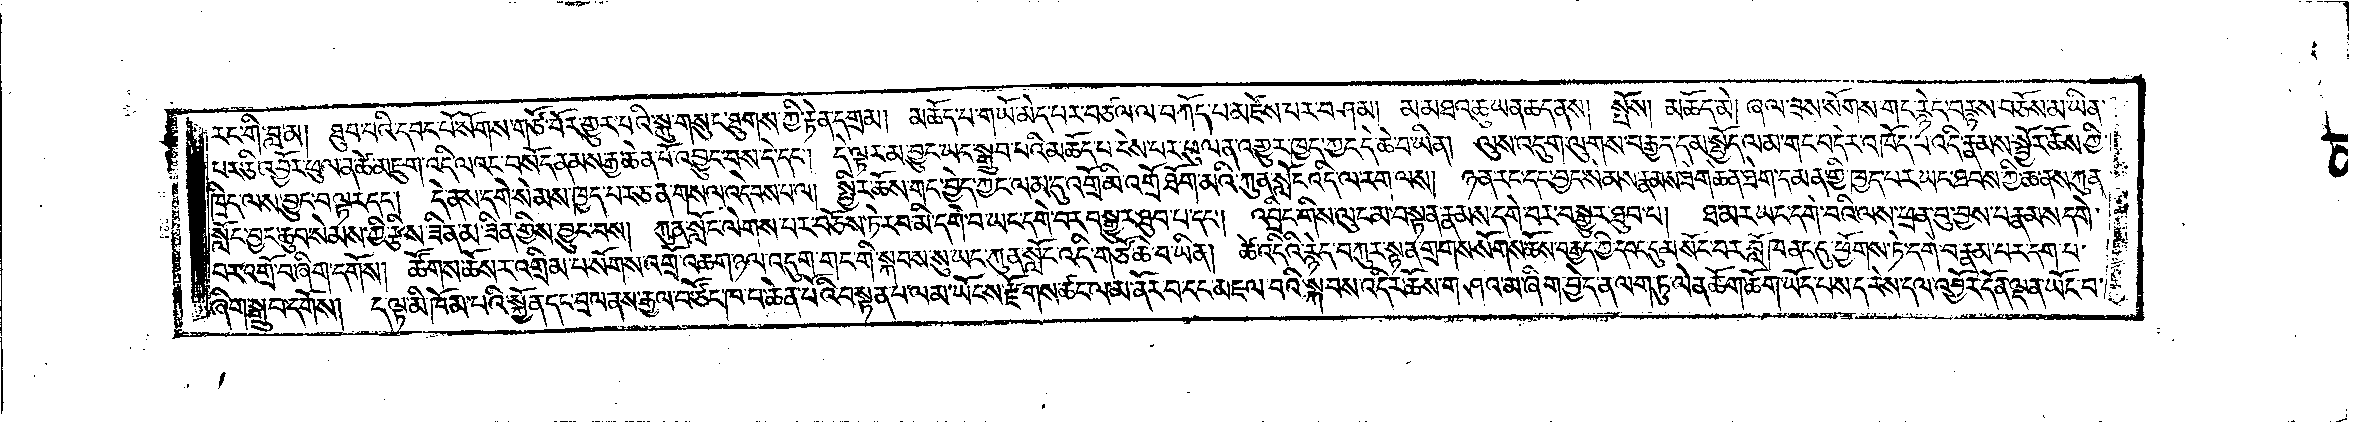རང་གི་བླ་མ། ཐུབ་པའི་དབང་པོ་སོགས་གཙོ་བོར་གྱུར་པའི་སྐུ་གསུང་ཐུགས་ཀྱི་རྟེན་དགྲམ། མཆོད་པ་གཡོ་མེད་པར་བཙལ་ལ་བཀོད་པ་མཛེས་པར་བཤམ། མ་མཐའ་ཆུ་ཡན་ཆད་ནས། སྤོས། མཆོད་མེ། ཞལ་ཟས་སོགས་གང་རྙེད་བརྙས་བཅོས་མ་ཡིན་
པར་ཅི་འབྱོར་ཕུལ་ན་ཚེ་མཇུག་འདི་ལའང་བསོད་ནམས་རྒྱ་ཆེན་པོ་འབྱུང་བས་དེ་དང་། དེ་ལྟར་མ་བྱུང་ཡང་སྒྲུབ་པའི་མཆོད་པ་ངེས་པར་ཕུལ་ན་འགྱུར་ཁྱད་ཀྱང་དེ་ཆེ་བ་ཡིན། ལུས་འདུག་ལུགས་བརྒྱད་དམ་སྤྱོད་ལམ་གང་བདེར་འཁོད་པ་འདི་རྣམས་སྦྱོར་ཆོས་ཀྱི་
ཁྲིད་ལས་བྱུང་བ་ལྟར་དང་། དེ་ནས་དགེ་སེམས་ཁྱད་པར་ཅན་གསལ་འདེབས་པ་ལ། སྤྱིར་ཆོས་གང་བྱེད་ཀྱང་ལམ་དུ་འགྲོ་མི་འགྲོ་ཐོག་མའི་ཀུན་སློང་འདི་ལ་རག་ལས། ཉན་རང་དང་བྱང་སེམས་རྣམས་ཐེག་ཆེན་ཐེག་དམན་གྱི་ཁྱད་པར་ཡང་ཐབས་ཀྱི་ཆ་ནས་ཀུན་
སློང་བྱང་ཆུབ་སེམས་ཀྱི་རྩིས་ཟིན་མ་ཟིན་གྱིས་བྱུང་བས། ཀུན་སློང་ལེགས་པར་བཅོས་ཏེ་རབ་མི་དགེ་བ་ཡང་དགེ་བར་བསྒྱུར་ཐུབ་པ་དང་། འབྲིང་གིས་ལུང་མ་བསྟན་རྣམས་དགེ་བར་བསྒྱུར་ཐུབ་པ། ཐ་མར་ཡང་དགེ་བའི་ལས་ཕྲན་བུ་བྱས་པ་རྣམས་དགེ་
བར་འགྲོ་བ་ཞིག་དགོས། ཚོགས་ཆོས་ར་འགྲིམ་པ་སོགས་འགྲོ་འཆག་ཉལ་འདུག་གང་གི་སྐབས་སུ་ཡང་ཀུན་སློང་འདི་གཙོ་ཆེ་བ་ཡིན། ཚེ་འདིའི་རྙེད་བཀུར་སྙན་གྲགས་སོགས་ཆོས་བརྒྱད་ཀྱི་དབང་དུ་མ་སོང་བར་བློ་ཁ་ནང་དུ་ཕྱོགས་ཏེ་དགེ་བ་རྣམ་པར་དག་པ་
ཞིག་སྒྲུབ་དགོས། ད་ལྟ་མི་ཁོམ་པའི་སྐྱོན་དང་བྲལ་ནས་རྒྱལ་བ་ཙོང་ཁ་པ་ཆེན་པོའི་བསྟན་ས་ལམ་ཡོངས་རྫོགས་ཚང་ལ་མ་ནོར་བ་དང་མཇལ་བའི་སྐབས་འདིར་ཆོས་གཤའ་མ་ཞིག་བྱེད་ན་ལག་ཏུ་ལེན་ཆོག་ཆོག་ཡོད་པས་ད་རེས་དལ་འབྱོར་དོན་ལྡན་ཡོང་བ་